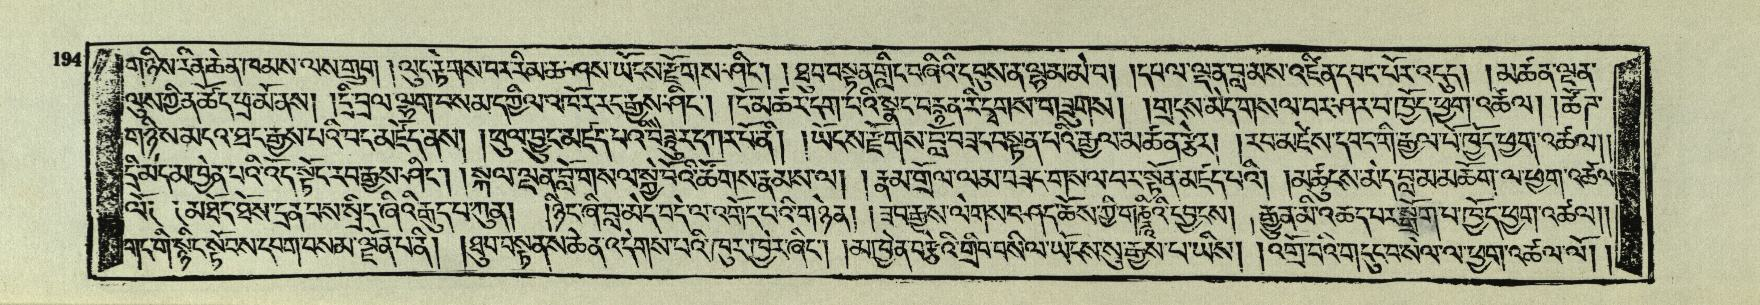གཉིས་རིན་ཆེན་ཁམས་ལས་གྲུབ། །ལུང་རྟེགས་བར་རིམ་ཆ་ཤས་ཡོངས་རྫོགས་ཤིང་། །ཐུབ་བསྟན་གླིང་བཞིའི་དབུས་ན་ལྷམ་མེ་བ། །དཔལ་ལྡན་བླ་མས་འཛིན་དབང་པོར་འདུད། །མཚན་ལྡན་
ལུས་ཀྱི་ན་ཚོད་ཕྲ་མོ་ནས། །དྲི་བྲལ་ལྷག་བསམ་དཀྱིལ་འཁོར་རང་རྒྱས་ཤིང་། །ངོ་མཚར་དག་པའི་སྣང་བརྙན་རི་དྭགས་གཟུགས། །གྲངས་མེད་གསལ་བར་ཤར་བ་ཁྱོད་ཕྱག་འཚལ། །འཚོཌ་
གཉིས་མངའ་ཐང་རྒྱས་པའི་བང་མཛོད་ནས། །ཕུལ་བྱུང་མཛད་པའི་བཻཌཱུ་དཀར་པོ་ནི། །ཡོངས་རྫོགས་བློ་བཟང་བསྟན་པའི་རྒྱལ་མཚན་རྩེར། །རབ་མཛེས་དབང་གི་རྒྱལ་པོ་ཁྱོད་ཕྱག་འཚལ། །
དྲི་མེད་མཁྱེན་པའི་འོད་སྟོང་རབ་རྒྱས་ཤིང་། །སྐལ་ལྡན་བློ་གསལ་སྐྱེ་བོའི་ཚོགས་རྣམས་ལ། །རྣམ་གྲོལ་ལམ་བཟང་གསལ་བར་སྟོན་མཛད་པའི། །མཚུངས་མེད་བླ་མ་མཆོག་ལ་ཕྱག་འཚལ་
ལོ༑ ༑མཐོང་ཐོས་དྲན་པས་སྲིད་ཞིའི་རྒུད་པ་ཀུན། །ཉིང་ཞི་བླ་མེད་བདེ་ལ་འགོང་པའི་གཉེན། །ཟབ་རྒྱས་ལེགས་བཤད་ཆོས་ཀྱི་གྞྜཱིའི་དབྱངས། །རྒྱུན་མི་འཆད་པར་སྒྲོག་པ་ཁྱོད་ཕྱག་འཚལ། །
གང་གི་སྙིང་སྟོབས་དཔག་བསམ་ལྗོན་པ་ནི། །ཐུབ་བསྟན་ས་ཆེན་འདེགས་པའི་ཁུར་ཁྱེར་ཞིང་། །མཁྱེན་བརྩེའི་གྲིབ་བསིལ་ཡོངས་སུ་རྒྱས་པ་ཡིས། །འགྲོ་བའི་གདུང་བ་སེལ་ལ་ཕྱག་འཚལ་ལོ། །